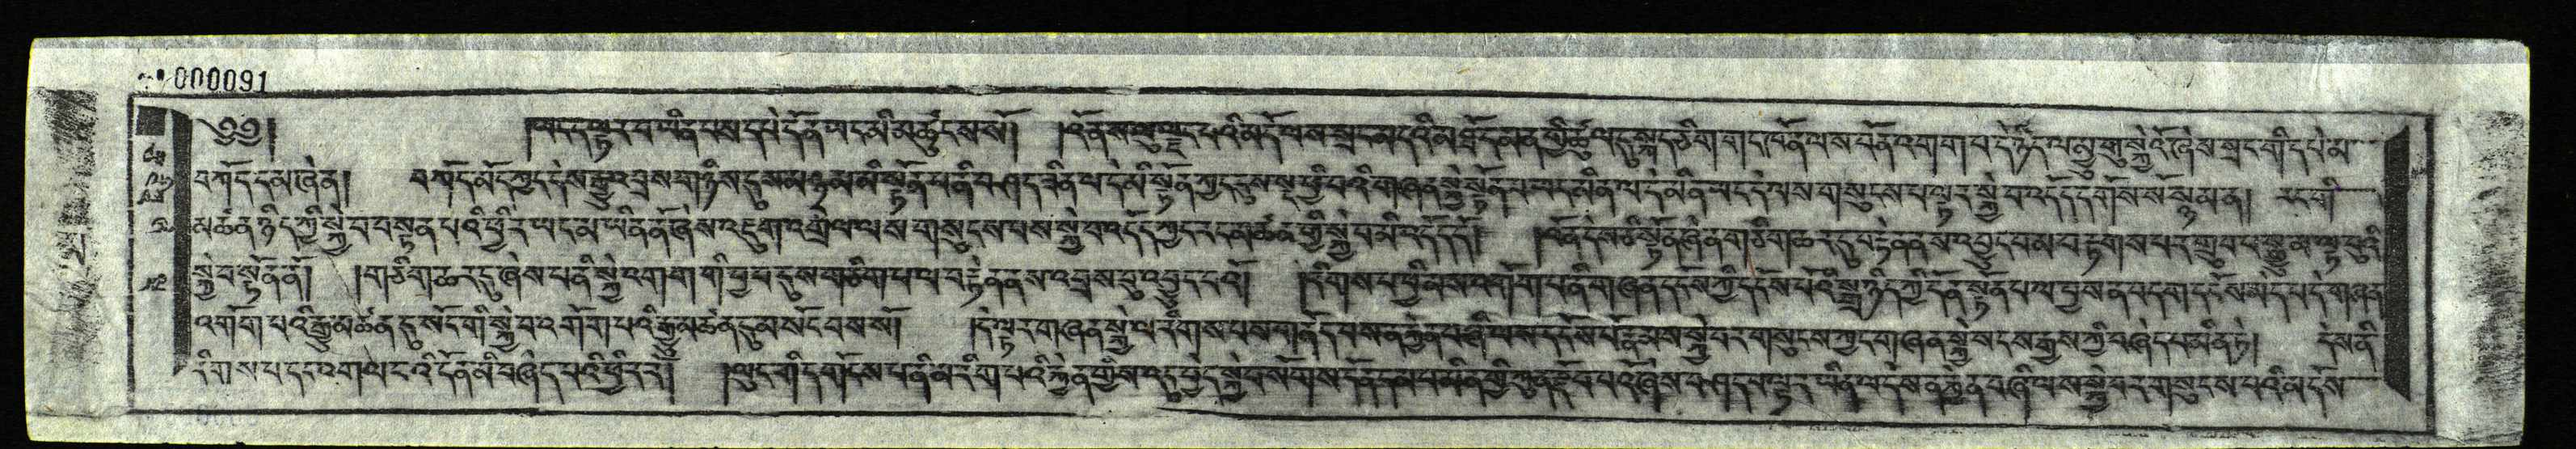༄༅། །ཡང་ད་ལྟར་བ་ཡིན་པས་དཔེ་དོན་ཡང་མི་མཚུངས་སོ། །འོ་ན་ས་ལུ་ལྗང་བའི་མདོ་ལས་སྲང་མདའི་མཐོ་དམན་གྱི་ཚུལ་དུ་སྐད་ཅིག་གང་ཁོ་ན་ལ་ས་བོན་འགག་པ་དེ་ཉིད་ལ་མྱུ་གུ་སྐྱེའོ་ཞེས་སྲང་གི་དཔེ་མ་
བཀོད་དམ་ཞེ་ན། བཀོད་མོད་ཀྱང་དེས་རྒྱུ་འབྲས་གཉིས་དུས་མཉམ་མི་སྟོན་པ་ནི་བཤད་ཟིན་ལ་དེ་མི་སྟོན་ཀྱང་དུས་སྔ་ཕྱི་བའི་གཞན་སྐྱེ་སྟོན་པ་ཡང་མིན་ལ་དེ་མིན་ཡང་དེ་ལས་གསུངས་པ་ལྟར་སྐྱེ་བ་འདོད་དགོས་སོ་སྙམ་ན། རང་གི་
མཚན་ཉིད་ཀྱི་སྐྱེ་བ་བསྟན་པའི་ཕྱིར་ཡང་མ་ཡིན་ནོ་ཞེས་འཇུག་འགྲེལ་ལས་གསུངས་པས་སྐྱེ་བ་འདོད་ཀྱང་རང་མཚན་གྱི་སྐྱེ་བ་མི་འདོད་དོ། །འོ་ན་དེས་ཅི་སྟོན་ཞེ་ན་གཅིག་ཆར་དུ་བརྟེན་ནས་འབྱུང་བ་མ་བརྟགས་པར་གྲུབ་པ་སྒྱུ་མ་ལྟ་བུའི་
སྐྱེ་བ་སྟོན་ནོ། །གཅིག་ཆར་དུ་ཞེས་པ་ནི་སྐྱེ་འགག་གི་བྱ་བ་དུས་གཅིག་པ་ལ་བརྟེན་ནས་འབྲས་བུ་འབྱུང་བའོ། །རིགས་པ་ཕྱི་མས་འགོག་པ་ནི་གཞན་དངོས་ཀྱི་དངོས་པོའི་སྒྲ་ཉིད་ཀྱི་དོན་སྟོན་པ་ལ་བྱས་ན་བདག་དངོས་མེད་པ་དེ་གཞན་
འགོག་པའི་རྒྱུ་མཚན་དུ་སོང་གི་སྐྱེ་བ་འགོག་པའི་རྒྱུ་མཚན་དུ་མ་སོང་བས་སོ། །དེ་ལྟར་གཞན་སྐྱེ་ལ་རིགས་པས་གནོད་པས་ན་རྐྱེན་བཞི་ལས་དངོས་པོ་རྣམས་སྐྱེ་བར་གསུངས་ཀྱང་གཞན་སྐྱེ་སངས་རྒྱས་ཀྱི་བཞེད་པ་མིན་ཏེ། དེས་ནི་
རིགས་པ་དང་འགལ་བའི་དོན་མི་བཞེད་པའི་ཕྱིར་རོ། །ལུང་གི་དགོངས་པ་ནི་མ་རིག་པའི་རྐྱེན་གྱིས་འདུ་བྱེད་སྐྱེ་བ་སོགས་དོན་དམ་པ་མིན་གྱི་ཀུན་རྫོབ་བའོ་ཞེས་བཤད་པ་ལྟར་ཡིན་ལ་དེས་ན་རྐྱེན་བཞི་ལས་སྐྱེ་བར་གསུངས་པའི་མདོས་